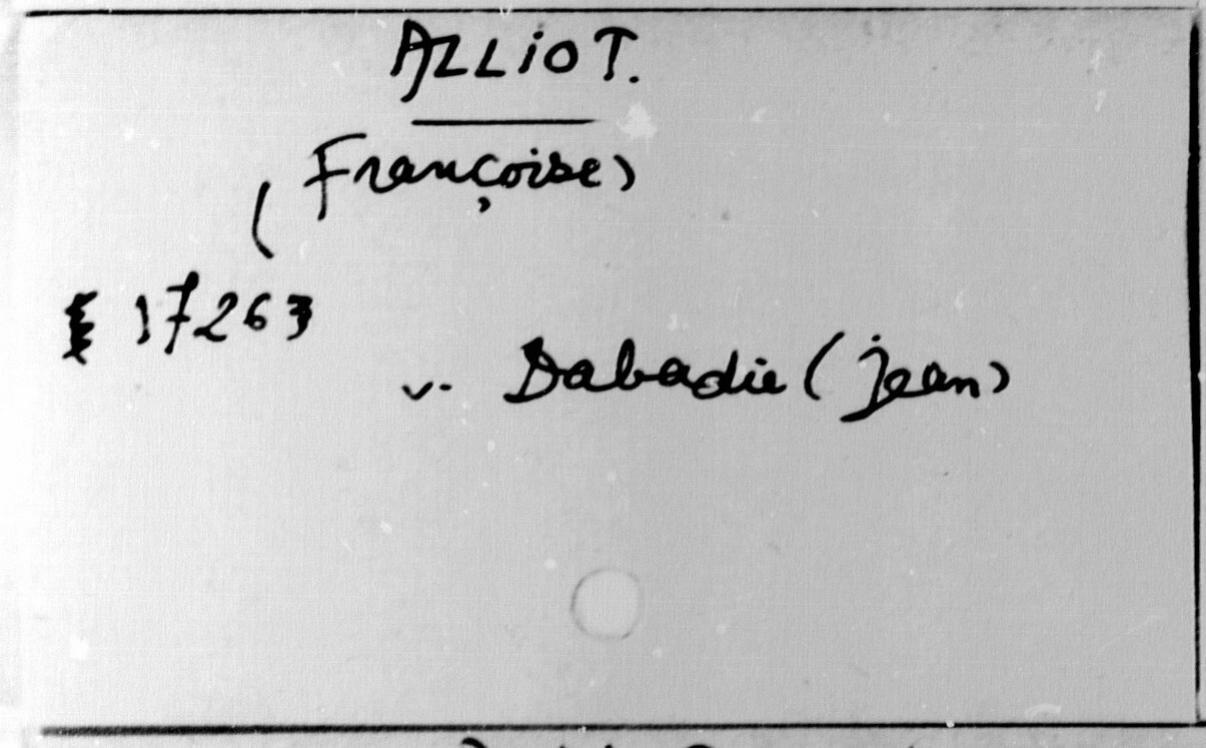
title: ALLIOT (Françoise)
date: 1726
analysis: Voir DABADIE (Jean)
